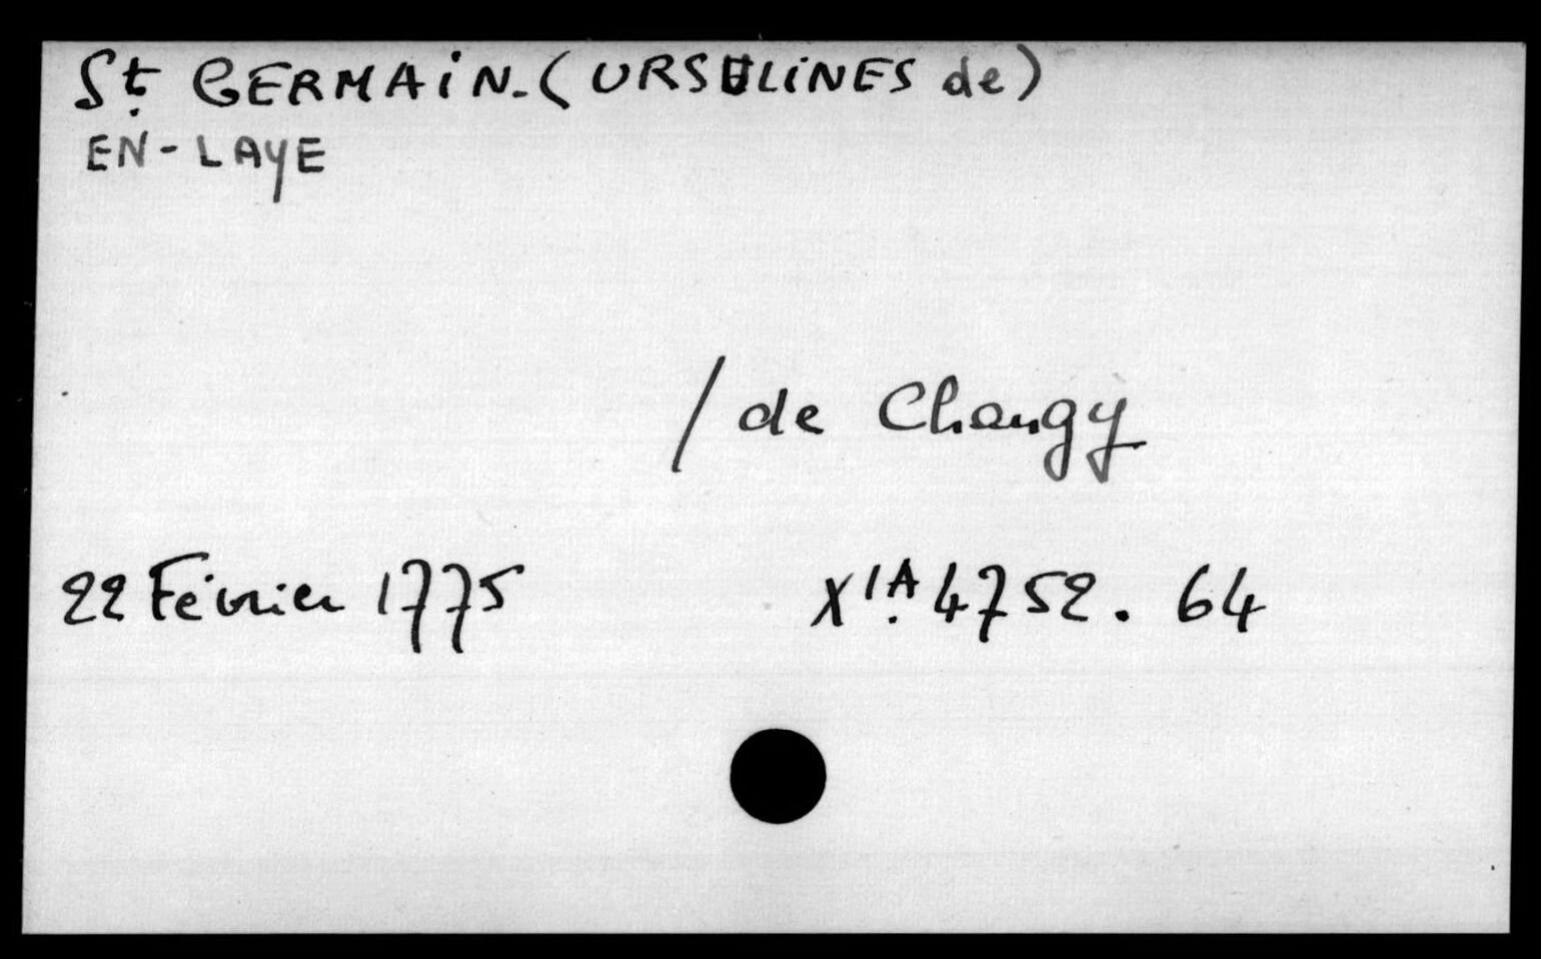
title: SAINT-GERMAIN-EN-LAYE (URSULINES de)
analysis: Contre de Changy
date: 22 février 1775
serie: X1A
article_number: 4752
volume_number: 64
